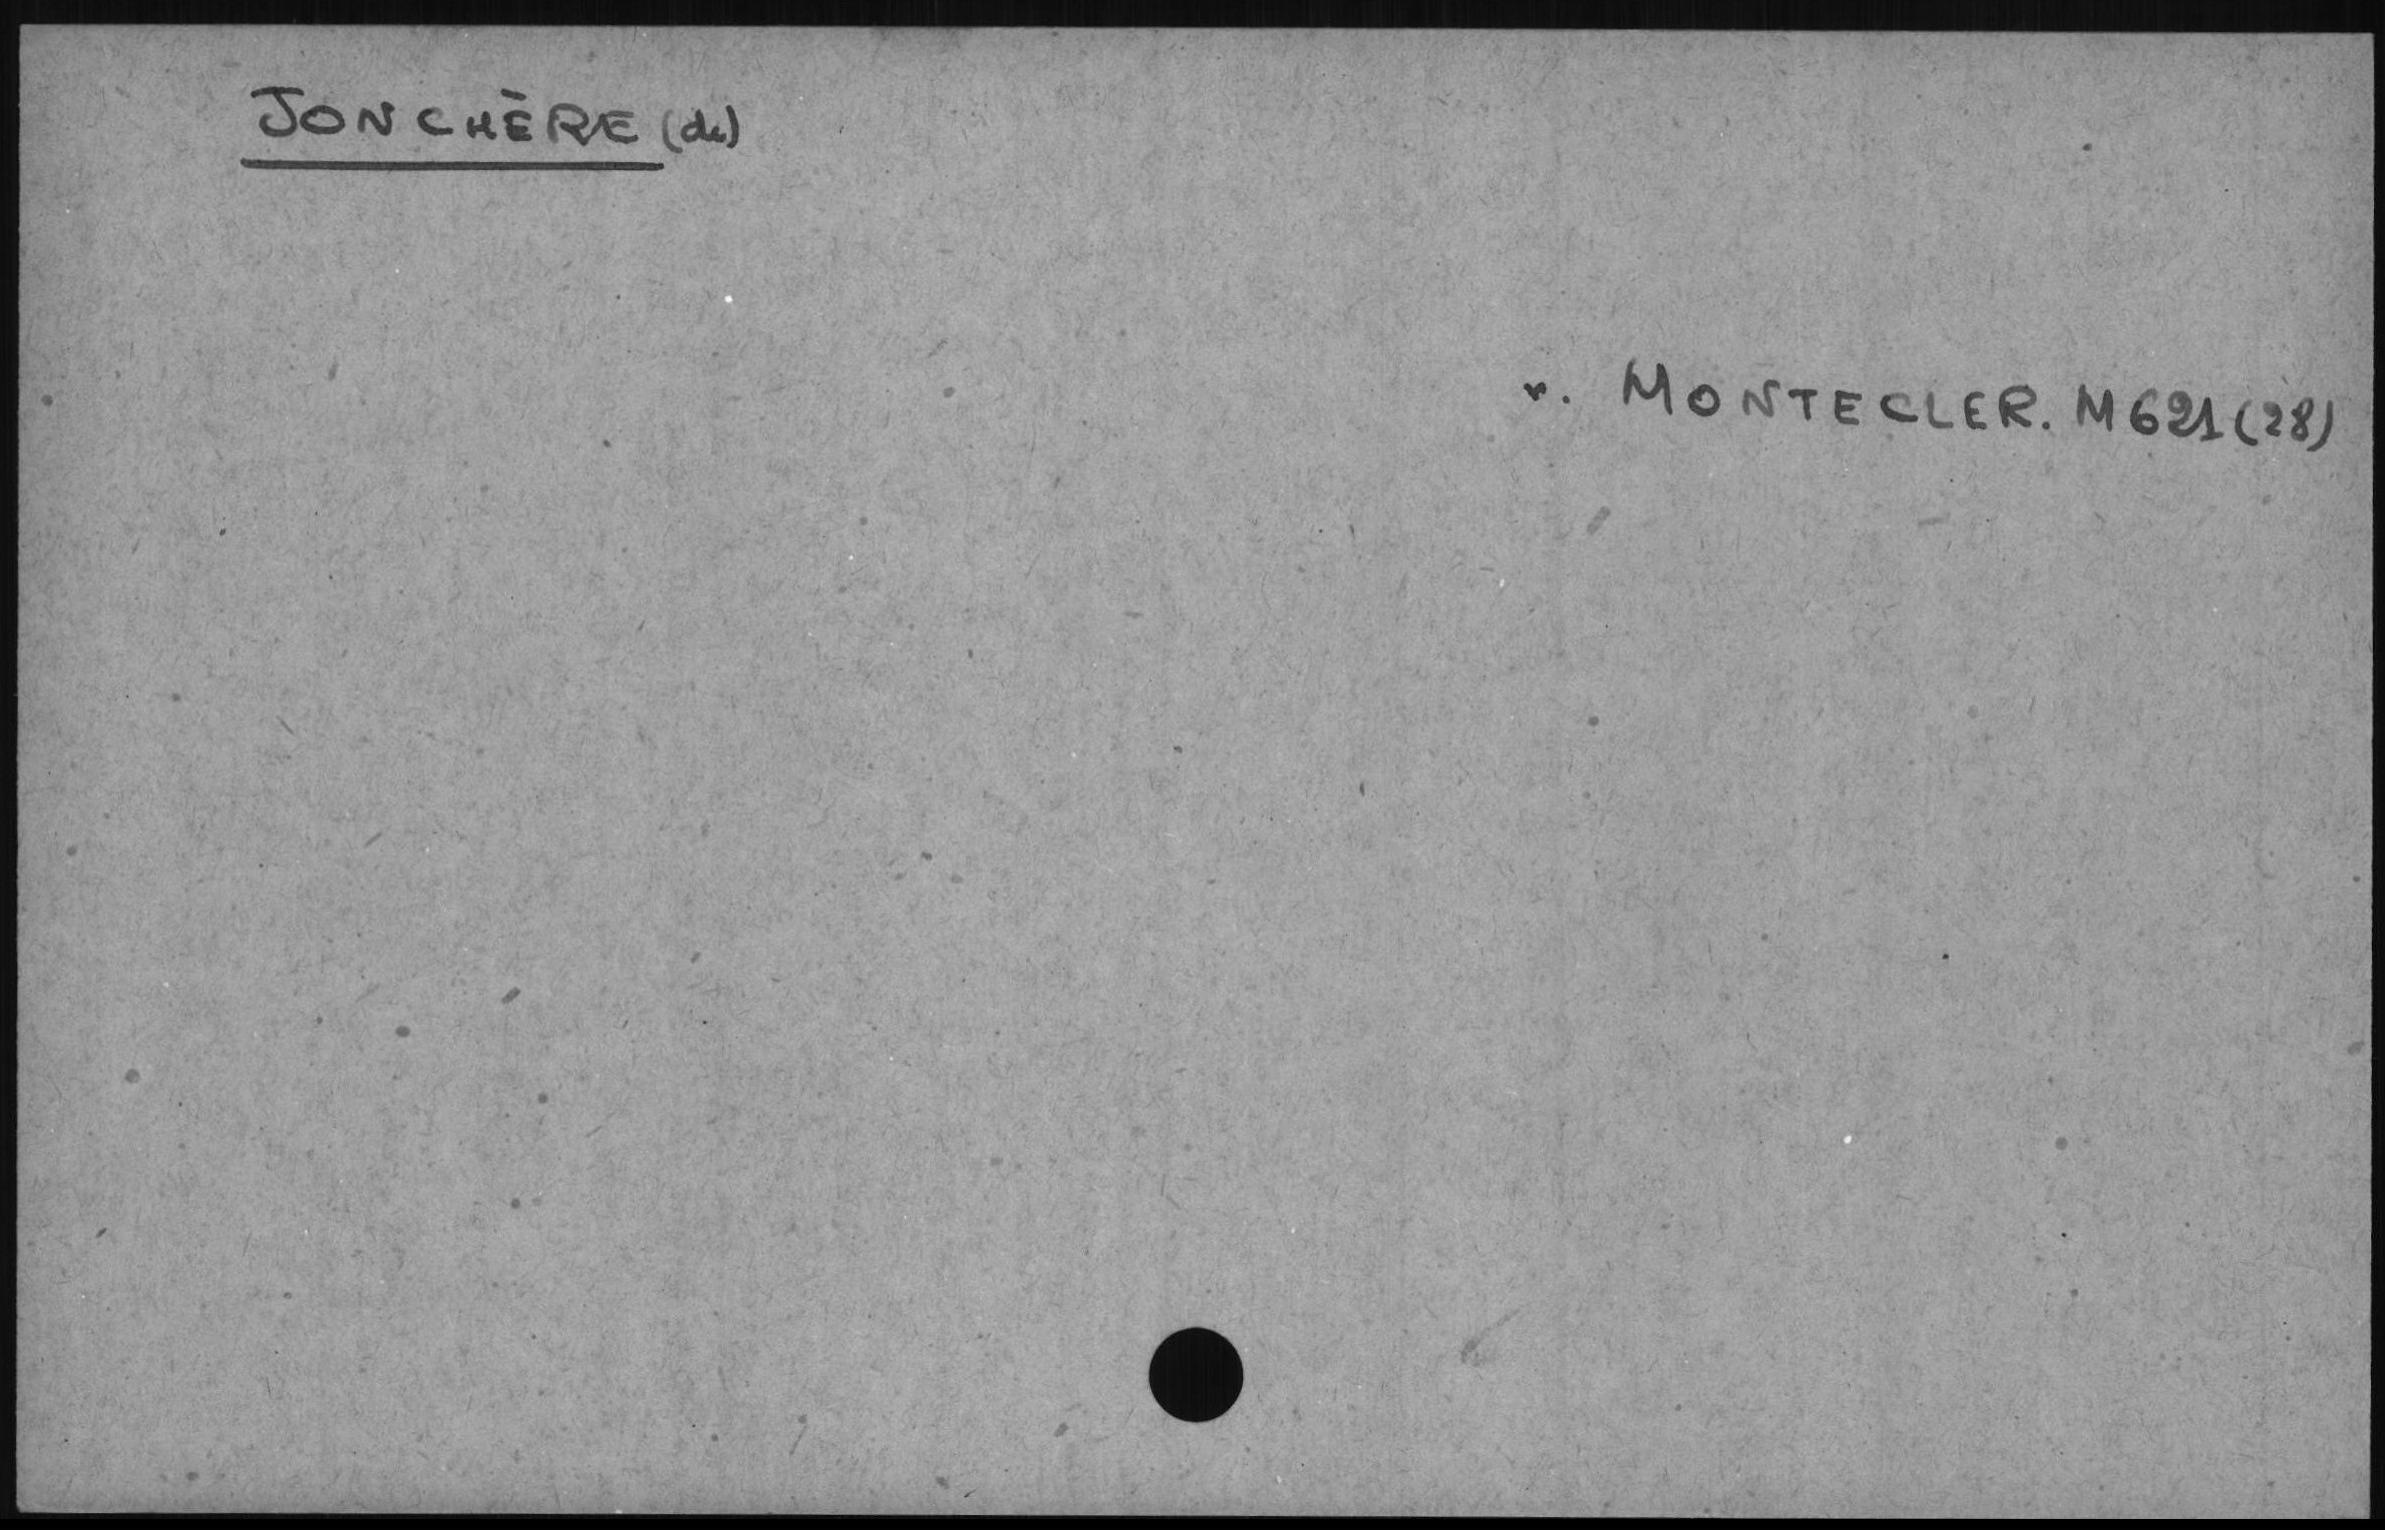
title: JONCHÈRE (de)
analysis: voir MONTECLER.
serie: M
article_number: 621
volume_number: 28
